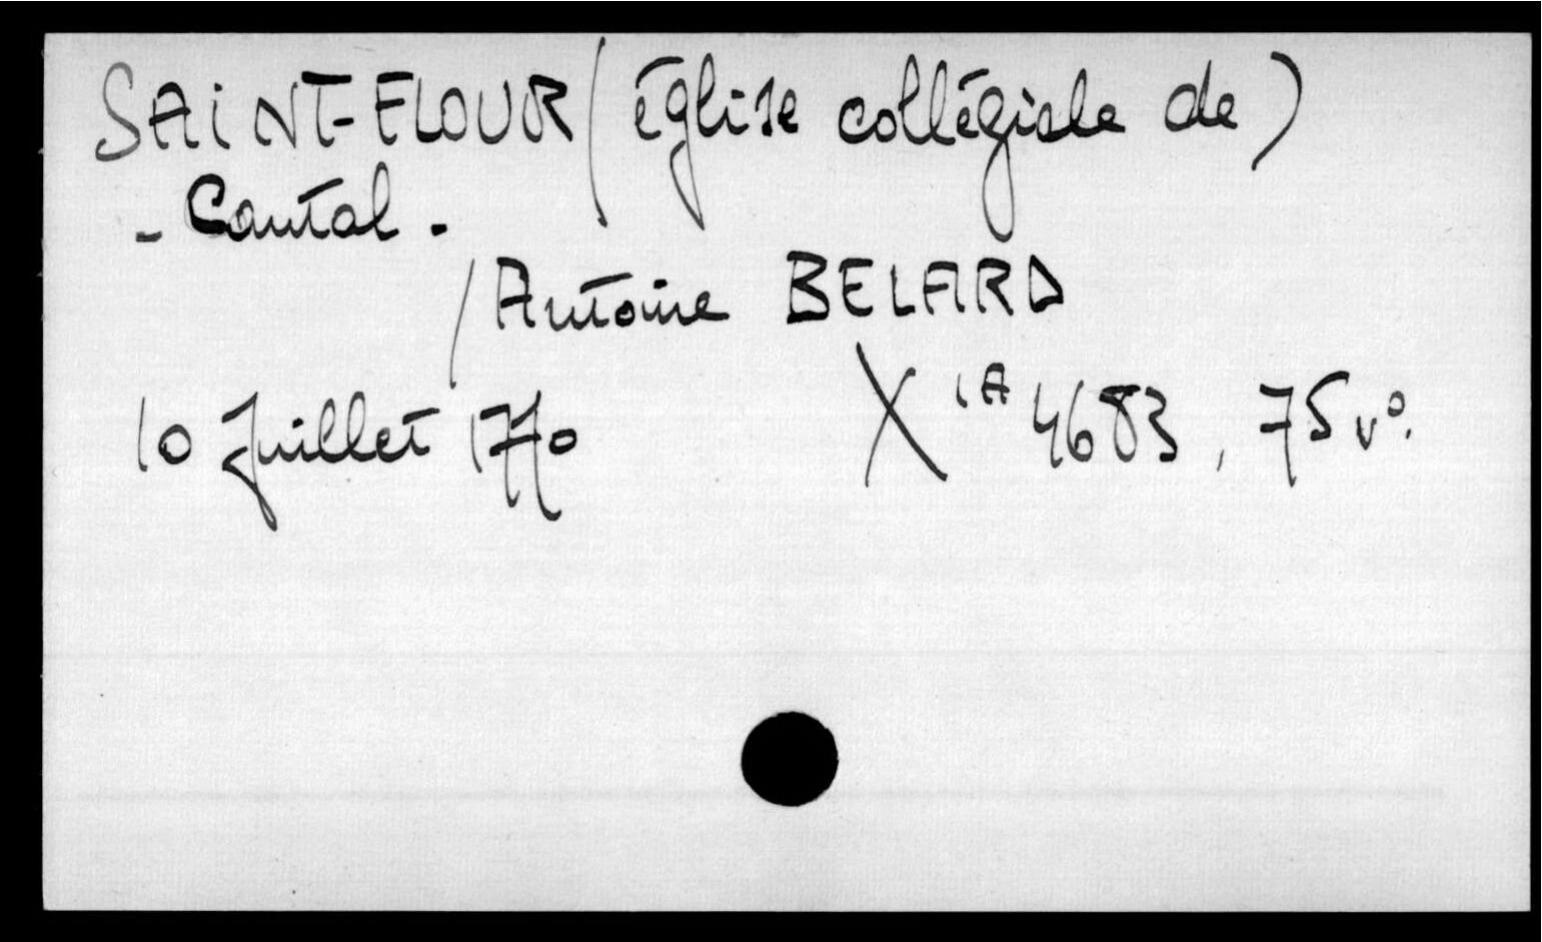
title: SAINT-FLOUR (Église collégiale de) - Cantal -
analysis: Contre Antoine BELARD
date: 10 juillet 1770
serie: X1A
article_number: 4683
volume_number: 75v
